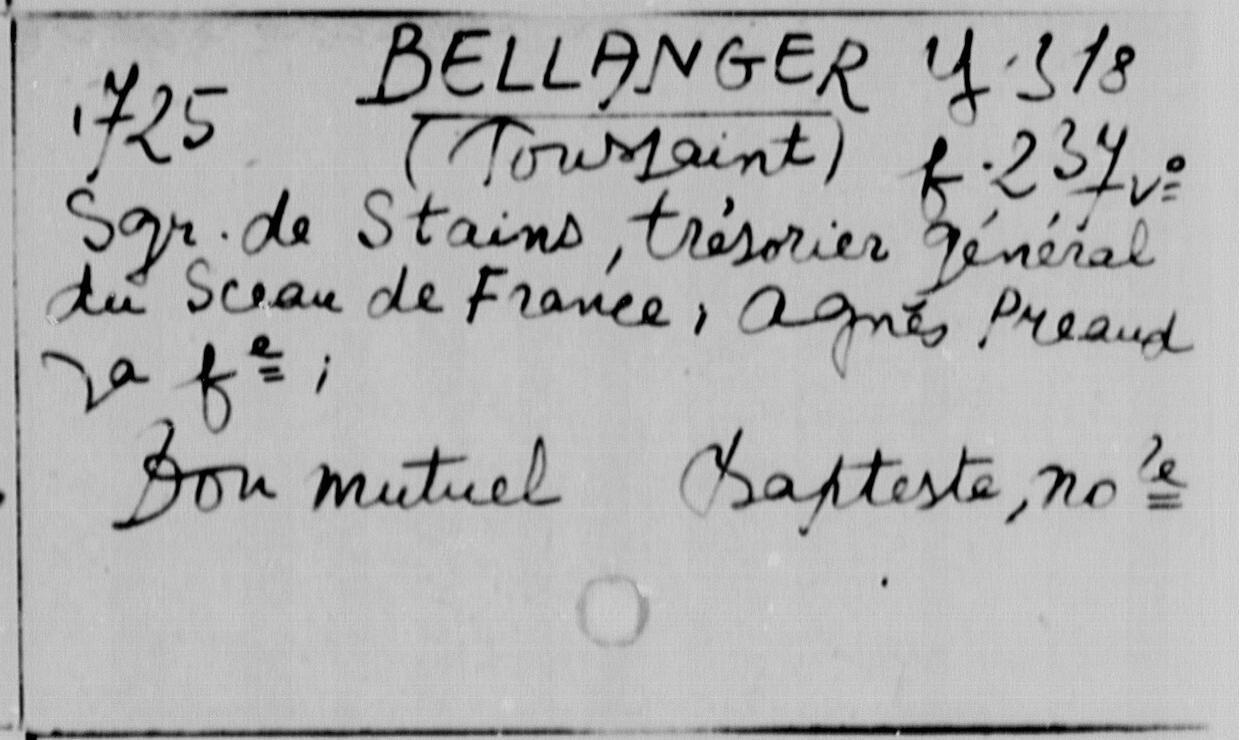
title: BELLANGER (Toussaint)
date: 1725
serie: Y
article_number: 318
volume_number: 237v
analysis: Seigneur de Stains, trésorier général du sceau de France, Agnés Preaud, sa femme. Don mutuel. Bapteste, notaire.
